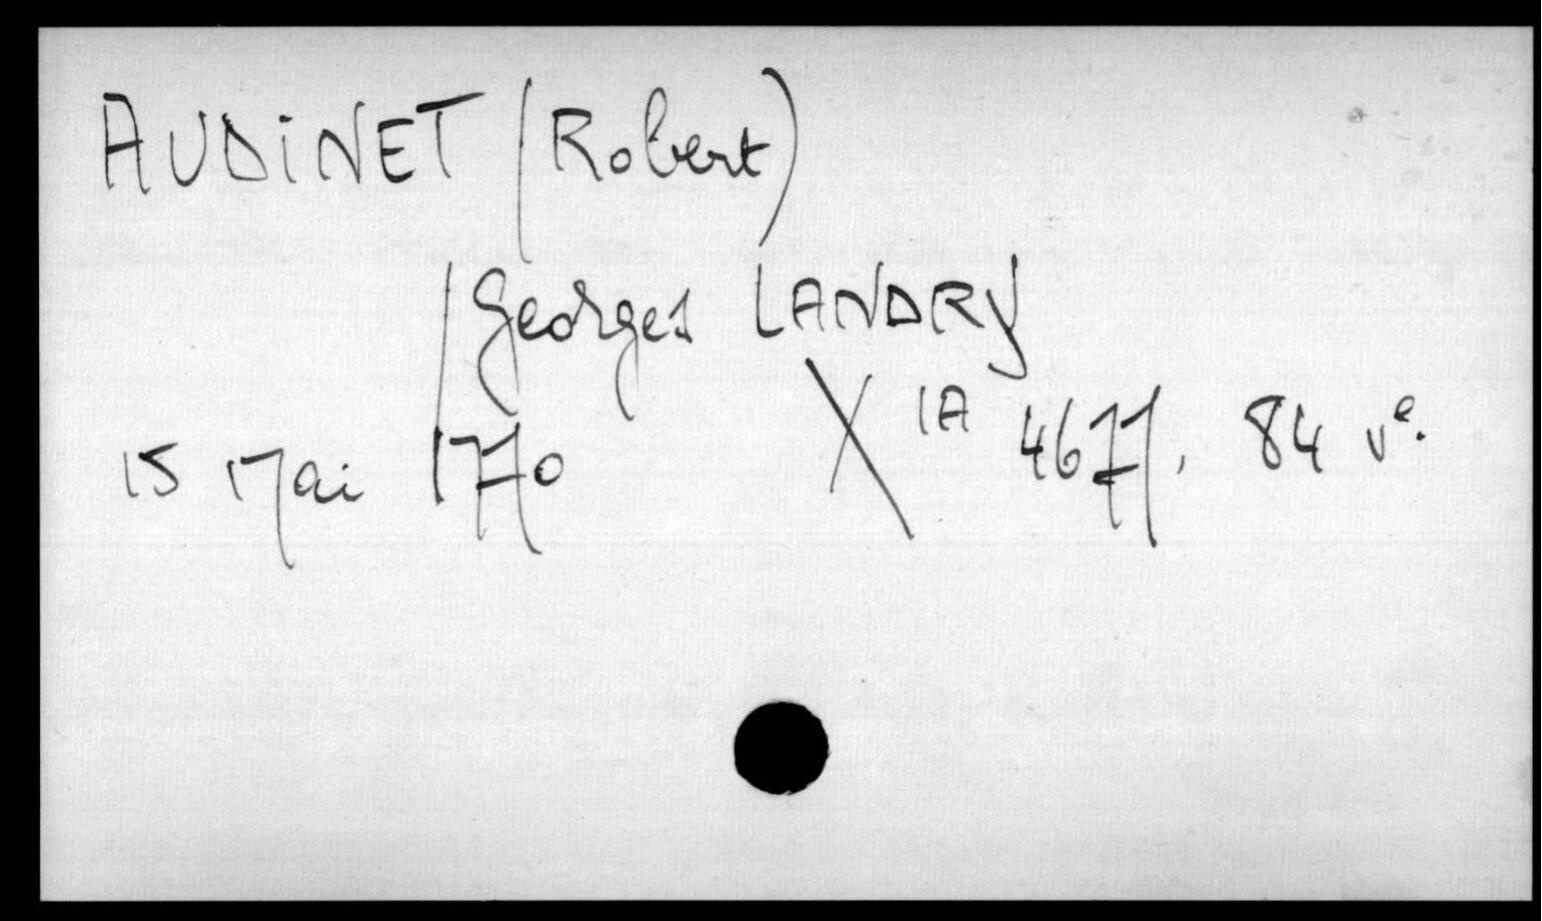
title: AUDINET (Robert)
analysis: Contre Georges LANDRY
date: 15 mai 1770
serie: X1A
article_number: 4671
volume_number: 84v
